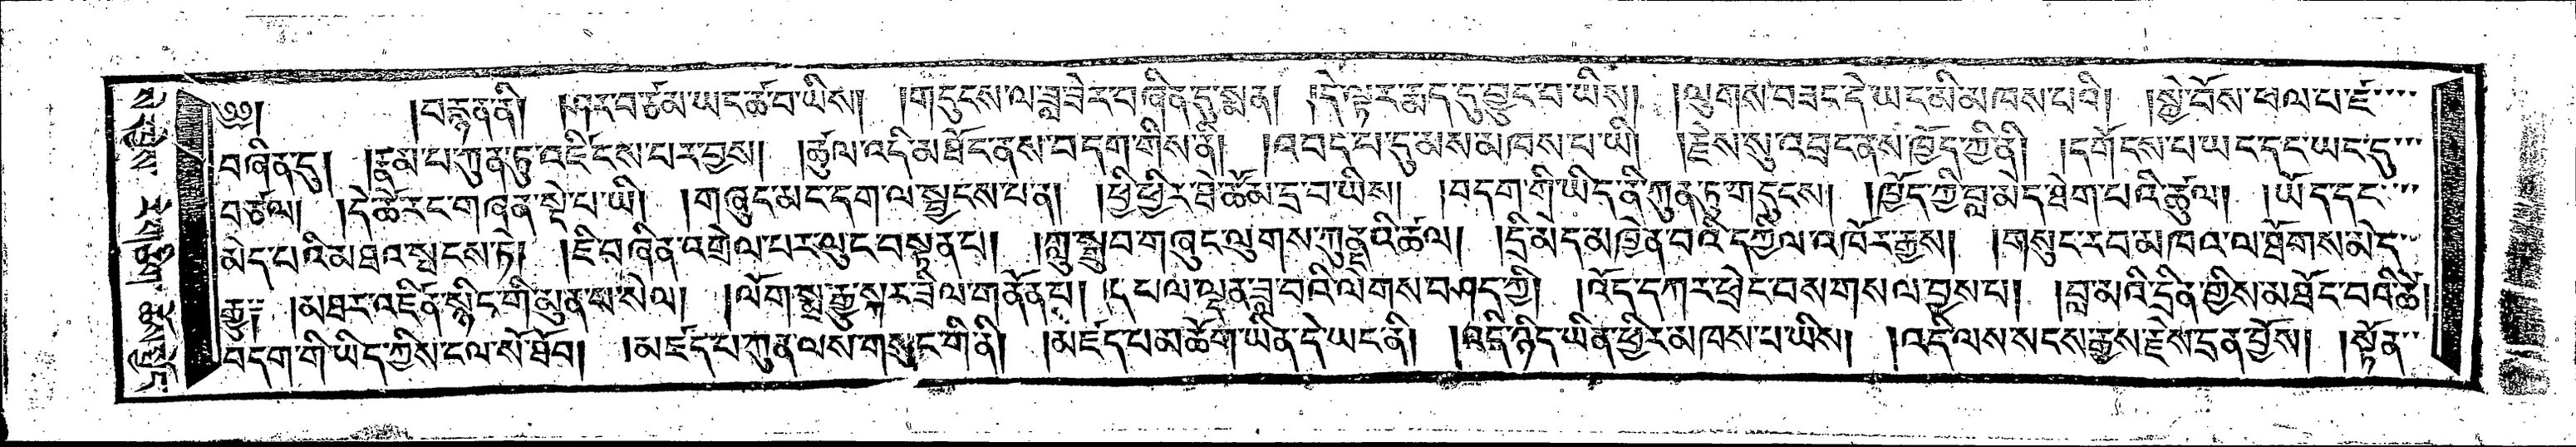༄༅། །བརྙན་ནི། །ཤར་བ་ཙམ་ཡང་ཚ་བ་ཡིས། །གདུངས་ལ་ཟླ་ཟེར་བཞིན་དུ་སྨན། །དེ་ལྟར་རྨད་དུ་བྱུང་བ་ཡིས། །ལུགས་བཟང་དེ་ཡང་མི་མཁས་པའི། །སྐྱེ་བོས་ཕལ་པ་ཛ་
བཞིན་དུ། །རྣམ་པ་ཀུན་ཏུ་འཛིངས་པར་བྱས། །ཚུལ་འདི་མཐོང་ནས་བདག་གིས་ནི། །འབད་པ་དུ་མས་མཁས་པ་ཡི། །རྗེས་སུ་འབྲང་ནས་ཁྱོད་ཀྱི་ནི། །དགོངས་པ་ཡང་དང་ཡང་དུ་
བཙལ། །དེ་ཚེ་རང་གཞན་སྡེ་པ་ཡི། །གཞུང་མང་དག་ལ་སྦྱངས་པ་ན། །ཕྱི་ཕྱིར་ཐེ་ཚོམ་དྲ་བ་ཡིས། །བདག་གི་ཡིད་ནི་ཀུན་ཏུ་གདུངས། །ཁྱོད་ཀྱི་བླ་མེད་ཐེག་པའི་ཚུལ། །ཡོད་དང་
མེད་པའི་མཐའ་སྤངས་ཏེ། །ཇི་བཞིན་འགྲེལ་པར་ལུང་བསྟན་པ། །ཀླུ་སྒྲུབ་གཞུང་ལུགས་ཀུནྡའི་ཚལ། །དྲི་མེད་མཁྱེན་པའི་དཀྱིལ་འཁོར་རྒྱས། །གསུང་རབ་མཁའ་ལ་ཐོགས་མེད་
རྒྱུ༑ །མཐར་འཛིན་སྙིང་གི་མུན་པ་སེལ། །ལོག་སྨྲ་རྒྱུ་སྐར་ཟིལ་གནོན་པ། །དཔལ་ལྡན་ཟླ་བའི་ལེགས་བཤད་ཀྱི། །འོད་དཀར་ཕྲེང་བས་གསལ་བྱས་པ། །བླ་མའི་དྲིན་གྱིས་མཐོང་བའི་ཚེ།
བདག་གི་ཡིད་ཀྱིས་ངལ་སོ་ཐོབ། །མཛད་པ་ཀུན་ལས་གསུང་གི་ནི། །མཛད་པ་མཆོག་ཡིན་དེ་ཡང་ནི། །འདི་ཉིད་ཡིན་ཕྱིར་མཁས་པ་ཡིས། །འདི་ལས་སངས་རྒྱས་རྗེས་དྲན་བྱོས། །སྟོན་